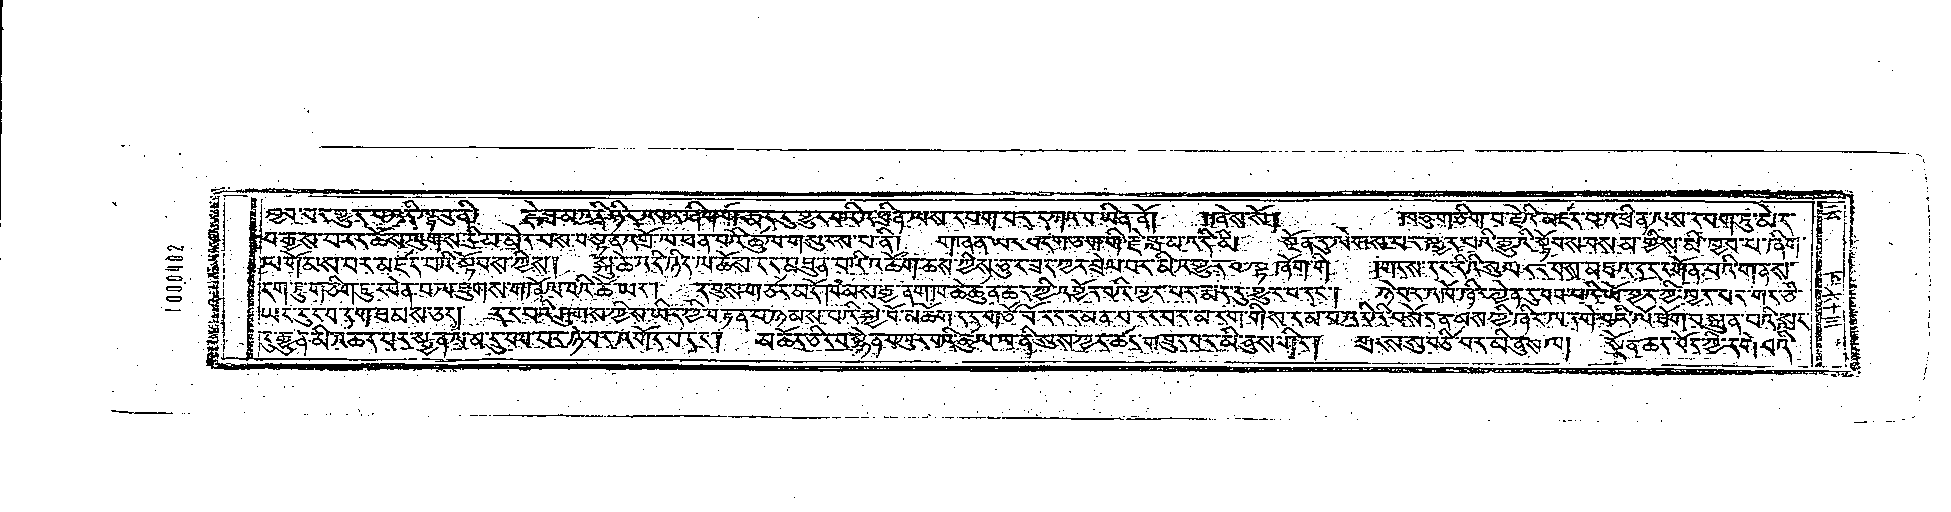ཁྱབ་པར་གྱུར་པ་འདི་ལྟ་བུ་ནི། རྗེ་བླ་མ་འདི་ཉིད་འབའ་ཞིག་གི་རྨད་དུ་བྱུང་བའི་འཕྲིན་ལས་དཔག་པར་དཀའ་བ་ཡིན་ནོ། །ཞེས་སོ། །བཅུ་གཅིག་པ་རྗེའི་མཛད་པ་འཕྲིན་ལས་དཔག་ཏུ་མེད་
པ་རྒྱས་པ་དང་ཆོས་ལུགས་དྲི་མ་མེད་པས་བསྟན་འགྲོ་ལ་ཕན་པའི་ཚུལ་གསུངས་པ་ནི། གཞན་ཡང་བདག་ཅག་གི་རྗེ་བླ་མ་འདི་ནི། སྔོན་དུ་ལེགས་པར་སྤྱད་པའི་རྒྱུའི་སྟོབས་བསམ་གྱིས་མི་ཁྱབ་པ་ཞིག་
ལ་གོམས་པར་མཛད་པའི་སྟོབས་ཀྱིས། སྐུ་ཆེ་འདི་ཉིད་ལ་ཆོས་དང་མཐུན་པའི་འཚོག་ཆས་ཀྱིས་ཅུང་ཟད་ཀྱང་བྲེལ་བར་མི་འགྱུར་བ་ལྟ་ཞོག་གི །གངས་དང་རིའི་སུལ་དང་བས་མཐའ་དང་དགོན་པའི་གནས་
དག་ཏུ་གཅིག་ཏུ་དབེན་པ་ལ་ཐུགས་གཞོལ་བའི་ཚེ་ཡང་། དབུས་གཙང་མདོ་ཁམས་རྒྱ་ནག་ཁ་ཆེ་ཚུན་ཆད་ཀྱི་འབྱོར་བའི་ཁྱད་པར་རྨད་དུ་བྱུང་བ་དང་། ཉེ་བར་འཁོ་ཞིང་རྐྱེན་དུ་བབ་པའི་ཡོ་བྱད་ཀྱི་ཁྱད་པར་གང་ཅི་
ཡང་རུང་བ་དག་ཐམས་ཅད། དང་པའི་ཤུགས་ཀྱིས་ཡིད་ཀྱི་བརྟན་པ་ཉམས་པའི་སྐྱེ་བོ་མཆོག་དང་གཙོ་བོ་དང་དམན་པ་དང་བར་མ་དག་གིས་དམ་བ་འདིའི་བསོད་ནམས་ཀྱི་ཞིང་ལ་དགེ་བའི་ལོ་ཐོག་བསྐྲུན་པའི་སླང་
དུ་རྒྱུན་མི་འཆད་པར་སྤྱན་ལམ་དུ་བབ་པར་ཉེ་བར་འགོད་པ་དང་། མཆོད་ཅིང་བསྙེན་བཀུར་བའི་ཚུལ་ལ་ནི་སུས་ཀྱང་ཚང་གཟུང་བར་མི་ནུས་ཤིང་། གྲངས་སུ་བཙི་བར་མི་ནུས་ལ། སྔོན་ཆད་བོད་ཀྱི་དགེ་བའི་